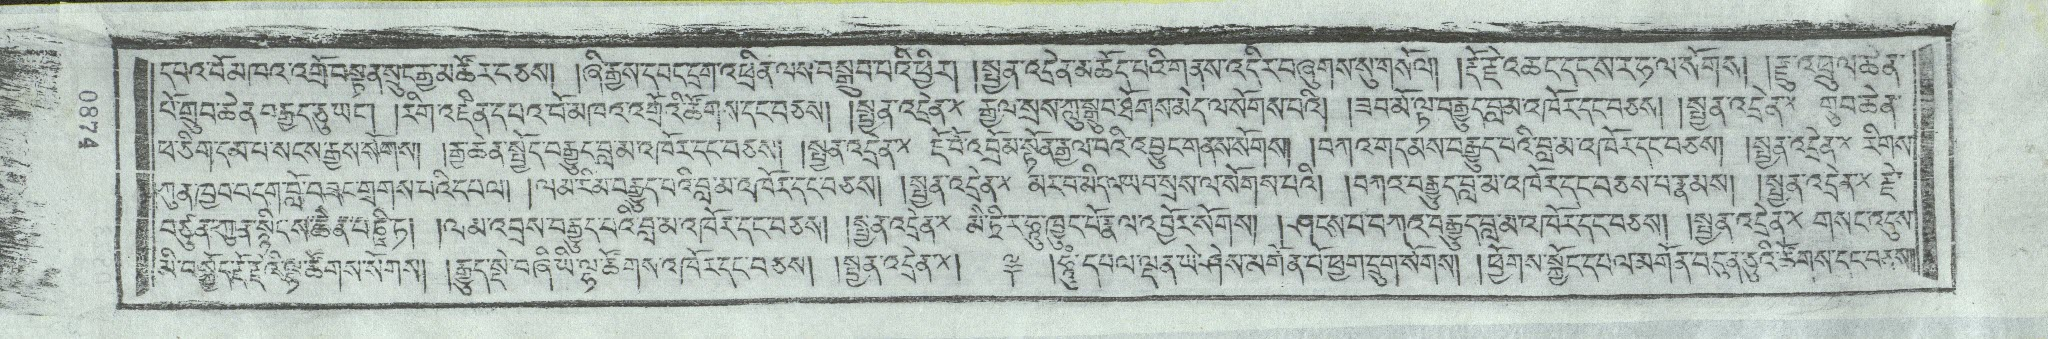དཔའ་བོ་མཁའ་འགྲོ་བསྟན་སྲུང་རྒྱ་མཚོར་བཅས། །ཞི་རྒྱས་དབང་དྲག་འཕྲིན་ལས་བསྒྲུབ་པའི་ཕྱིར། །སྤྱན་འདྲེན་མཆོད་བའི་གནས་འདིར་བཞུགས་སུ་གསོལ། །རྡོ་རྗེ་འཆང་དང་སར་ཧ་ལ་སོགས། །རྫུ་འཕྲུལ་ཆེན་
པོ་གྲུབ་ཆེན་བརྒྱད་ཅུ་ཡང་། །རིག་འཛིན་དཔའ་བོ་མཁའ་འགྲོའི་ཚོགས་དང་བཅས། །སྤྱན་འདྲེན་྾་རྒྱལ་སྲས་ཀླུ་སྒྲུབ་ཐོགས་མེད་ལ་སོགས་པའི། །ཟབ་མོ་ལྟ་བརྒྱུད་བླ་མ་འཁོར་དང་བཅས། །སྤྱན་འདྲེན་྾་གྲུབ་ཆེན་
ཕ་ཅིག་དམ་པ་སངས་རྒྱས་སོགས། །རྒྱ་ཆེན་སྤྱོད་བརྒྱུད་བླ་མ་འཁོར་དང་བཅས། །སྤྱན་འདྲེན་྾་ཇོ་བོ་འབྲོམ་སྟོན་རྒྱལ་བའི་འབྱུང་གནས་སོགས། །བཀའ་གདམས་བརྒྱུད་བའི་བླ་མ་འཁོར་དང་བཅས། །སྤྱན་འདྲེན་྾་རིགས་
ཀུན་ཁྱབ་བདག་བློ་བཟང་གྲགས་པའི་དཔལ། །ལམ་རིམ་བརྒྱུད་པའི་བླ་མ་འཁོར་དང་བཅས། །སྤྱན་འདྲེན་྾་མར་བ་མིད་ལ་ཡབ་སྲིས་ལ་སོགས་པའི། །བཀའ་བརྒྱུད་བླ་མ་འཁོར་དང་བཅས་པ་རྣམས། །སྤྱན་འདྲེན་྾་རྗེ་
བཙུན་ཀུན་སྙིངས་ཆེན་པཎྚི་ཏ། །ལམ་འབྲས་བརྒྱུད་པའི་བླ་མ་འཁོར་དང་བཅས། །སྤྱན་འདྲེན་྾་མི་ཏི་ར་ཧཱུ་ཁྱུད་པོ་རྣལ་འབྱོར་སོགས། །ཤངས་པ་བཀའ་བརྒྱུད་བླ་མ་འཁོར་དང་བཅས། །སྤྱན་འདྲེན་྾་གསང་འདུས་
མི་བསྐྱོད་རྡོ་རྗེའི་ལྷ་ཚོགས་སོགས། །རྒྱུད་སྡེ་བཞི་ཡི་ལྷ་ཚོགས་འཁོར་དང་བཅས། །སྤྱན་འདྲེན་྾། ༈ །ཧཱུཾ་དཔལ་ལྡན་ཡེ་ཤེས་མགོན་པོ་ཕྱག་དྲུག་སོགས། །ཕྱོགས་སྐྱོང་དཔལ་མགོན་བདུན་ཅུའི་ཚོགས་དང་བཅས།